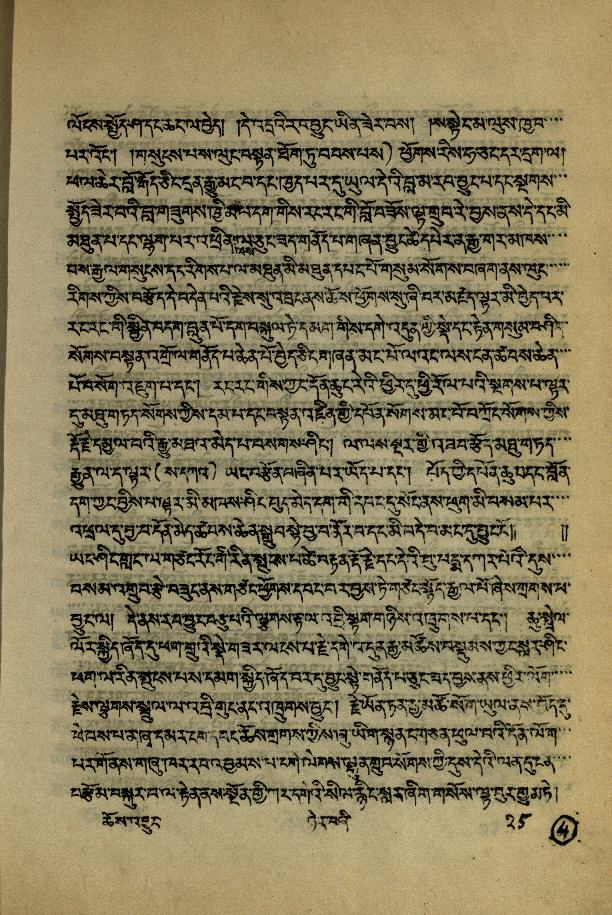ལོངས་སྤྱོད་ཤ་དང་ཆང་ལ་བྱེད། །དེ་འདྲའི་རབ་བྱུང་ཡིན་ཟེར་བས། །ས་སྟེང་མ་ལུས་ཁྱབ་
པར་འོང་། །གསུངས་པས་ལུང་བསྟན་ཐོག་ཏུ་བབས་པས་ཕྱོགས་རིས་ཧ་ཅང་དར་དྲག་ལ།
ཕལ་ཆེར་བློ་རྒོད་ཅིང་དྲན་རྒྱུ་མང་བ་དང་ཁྱད་པར་དུ་ཡུལ་དེའི་བླ་མ་རབ་བྱུང་པ་དང་སྔགས་
སྤྱོད་ཟེར་བའི་བླ་གཟུགས་ཁྱིམ་པ་དག་གིས་རང་རང་གི་བློ་བཟོས་ལྟ་གྲུབ་རེ་བྱས་ནས་དེ་དང་མི་
མཐུན་པ་དང་ལྷག་པར་འཕྲིན་ལས་ལ་ཅུང་ཟད་གནོད་པ་གཞན་བྱུང་ཚེ་དཔེར་ན་རྒྱ་གར་མཁས་
བས་རྒྱལ་གསུངས་དང་རིགས་པ་ལ་མཐུན་མི་མཐུན་དཔང་པོ་གསུམ་སོགས་བཞག་ནས་ལུང་
རིགས་ཀྱིས་བརྩོད་དེ་བདེན་པའི་རྗེས་སུ་འབྲང་ནས་ཆོས་ཕྱོགས་སུ་ཞི་བར་མཛད་ལྟར་མི་བྱེད་པར་
རང་རང་གི་སྦྱིན་བདག་བླུན་པོ་དག་བསྐུལ་ཏེ་དམག་གིས་དགེ་འདུན་གྱི་སྡེ་དང་རྟེན་གསུམ་བཤིག་
སོགས་བསྟན་འགྲོ་ལ་གནོད་པ་ཆེན་པོ་བྱེད་ཅིང་གཞན་མང་པོ་ལའང་ལས་ངན་ཚབས་ཆེན་
པོ་བ་སོག་འཇུག་པ་དང་། རང་རང་གིས་ཀྱང་དོན་ཆུང་རེའི་ཕྱིར་དུ་ཕྱི་རོལ་པའི་སྔགས་པ་ལྟར་
དུ་མཐུ་གཏད་སོགས་ཀྱིས་དམ་པ་དང་བསྟན་འཛིན་གྱི་དཔོན་སོགས་མང་པོ་བཀྲོང་སོགས་ཀྱིས་
རྡོ་རྗེ་དམྱལ་བའི་རྒྱུ་མཐའ་མེད་པ་བསགས་ཤིང་། ལ་ལས་སྔར་གྱི་འཐབ་རྩོད་མཐུ་གཏད་
རྒྱུན་ལ་ད་ལྟར་ས་དཀའ་ཡང་བརྩོན་བཞིན་པར་ཡོད་པ་དང་། བོད་ཀྱི་དཔོན་ཆུབ་དང་བློན་
དག་ཀྱང་བྱིས་པ་ལྟར་མི་མཁས་ཤིང་བུད་མེད་དག་གི་དབང་དུ་སོང་ནས་ཕུག་མི་བསམ་པར་
འཕྲལ་དུ་བྱ་བ་དོན་མེད་ཚབས་ཆེན་སྒྲུབ་སྟེ་བྱ་བ་ནོར་བ་དང་མི་བདེ་བ་མང་དུ་བྱུང་ངོ།། །།
ཡང་ཤིང་གླང་ལ་གཙང་རོང་གི་རིན་སྤུངས་པ་ཚེ་བརྟན་རྡོ་རྗེ་དང་དེའི་བུ་པདམ་དཀར་པོའི་དུས་
བསམ་འགྲུབ་རྩེ་བཟུང་ནས་གཙང་ཕྱོགས་དབང་བར་བྱས་ཏེ་གཙང་སྟོད་རྒྱལ་པོ་ཞེས་གྲགས་པ་
བྱུང་ལ། དེ་ནས་རབ་བྱུང་བཅུ་པའི་ལྕགས་རྟ་ལ་འབྲི་སྟག་གཉིས་འཁྲུགས་པ་དང་། ཆུ་སྤྲེལ་
ལོར་སྐྱིད་ཞོད་དུ་ཕག་གྲུའི་སྡེ་གཟར་ལངས་པ་རྗེ་དགེ་འདུན་རྒྱ་མཚོས་བསྡུམས་ཀྱང་སླར་ཤིང་
ཕག་ལ་རིན་སྤུངས་པས་དམག་སྐྱིད་ཞོད་བར་དུ་བྱུང་སྟེ་གནོད་པ་ཅུང་ཟད་བྱས་ནས་ཕྱིར་ལོག་
རྗེས་ལྕགས་སྤྲུལ་ལ་འབྲི་གུང་ནང་འཁྲུགས་བྱུང་། རྗེ་ཡོན་ཏན་རྒྱ་མཚོ་སོག་ཡུལ་ནས་བོད་དུ་
ཕེབས་པ་ན་ཞྭ་དམར་ངག་དབང་ཆོས་གྲགས་ཀྱིས་ཞུ་ཡིག་སྙན་ངག་ཅན་ཕུལ་བའི་དོན་ལོག་
པར་གོ་ནས་གཞུ་ཁར་རབ་འབྱམས་པ་དགེ་ལེགས་ལྷུན་གྲུབ་སོགས་ཀྱི་དུས་དེའི་ལན་དུ་ངན་
བརྩོམ་བསྐུར་བ་ལ་རྟེན་ནས་སྔོན་གྱི་གར་དགེའི་སིལ་རྙིང་སླར་ཞིག་གསོས་ལྟ་བུར་གྱུ་མ་ཏེ།